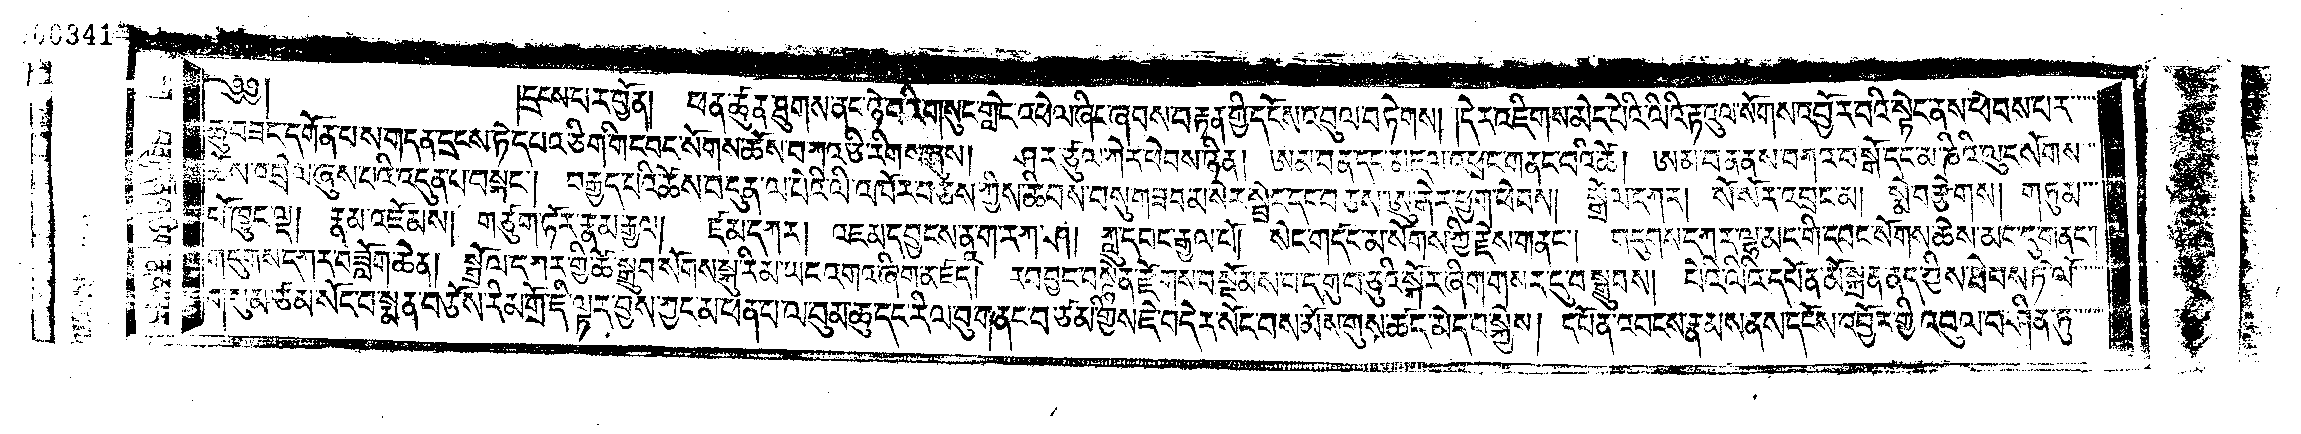༄༅། །དྲངས་པར་བྱོན། ཕན་ཚུན་ཐུགས་ནང་ཉེ་བའི་གསུང་གླེང་འཕེལ་ཞིང་ཞབས་བརྟན་གྱི་དངོས་འབུལ་བཏེགས། །དེར་འཇིགས་མེད་པེའི་ལིའི་རྟ་འུལ་སོགས་འབྱོར་པའི་སྟེང་ནས་ཕེབས་པར་
ཆུ་བཟང་དགོན་པས་གདན་དྲངས་ཏེ་དཔའ་ཅིག་གི་དབང་སོགས་ཆོས་བཀའ་ཅི་རིགས་ཞུས། ཤ་ར་ཙུལ་ཀེར་ཕེབས་ཉིན། ཨམ་བན་དང་མཇལ་འཕྲང་གནང་བའི་ཚེ། ཨམ་བན་ནས་བཀའ་བསྒོ་དང་མ་ཎིའི་ལུང་སོགས་
ཆོས་འབྲེལ་ཞུས་པའི་འདུན་པ་བསྐང་། བརྒྱད་པའི་ཚེས་བདུན་ལ་པེའི་ལི་འཁོར་བཅས་ཀྱིས་ཆིབས་བསུ་གཟབ་མ་སེར་སྦྲེང་དང་བཅས་ཨུརྒེར་ཕྱག་ཕེབས། སྒྲོལ་དཀར། སོ་སོར་འབྲང་མ། སྨེ་བརྩེགས། གཏུམ་
པོ་ཁྱུང་ལྔ། རྣམ་འཇོམས། གཙུག་ཏོར་རྣམ་རྒྱལ། ཛམ་དཀར། འཇམ་དབྱངས་ནཱ་ག་ར་ཀ་ཤ། ཀླུ་དབང་རྒྱལ་པོ། སེང་གདོང་མ་སོགས་ཀྱི་རྗེས་གནང་། གདུགས་དཀར་ལྷ་མང་གི་དབང་སོགས་ཆེས་མང་དུ་གནང་།
གདུགས་དཀར་བཟློག་ཆེན། སྒྲོལ་དཀར་གྱི་ཚེ་སྒྲུབ་སོགས་སྐུ་རིམ་ཡང་འགའ་ཞིག་མཛད། རབ་བྱུང་བསྙེན་རྫོགས་བསྔོམས་པ་དགུ་བཅུའི་སྐོར་ཞིག་གསར་དུ་བསྒྲུབས། པེའི་ལིའི་དཔོན་མོ་སྐྲན་ནད་ཀྱིས་ཐེབས་ཏེ་ལོ་
གསུམ་ཙམ་སོད་བ་སྨན་བཅོས་རིམ་གྲོ་ཇི་ལྟར་བྱས་ཀྱང་མ་ཕན་པ་ལ་བུམ་ཆུ་དང་རིལ་བུ་གནང་བ་ཙམ་གྱིས་ཇེ་བདེར་སོང་བས་མོས་གུས་ཚད་མེད་པ་སྐྱེས། དཔོན་འབངས་རྣམས་ནས་དངོས་འབྱོར་གྱི་འབུལ་བ་ཤིན་ཏུ་